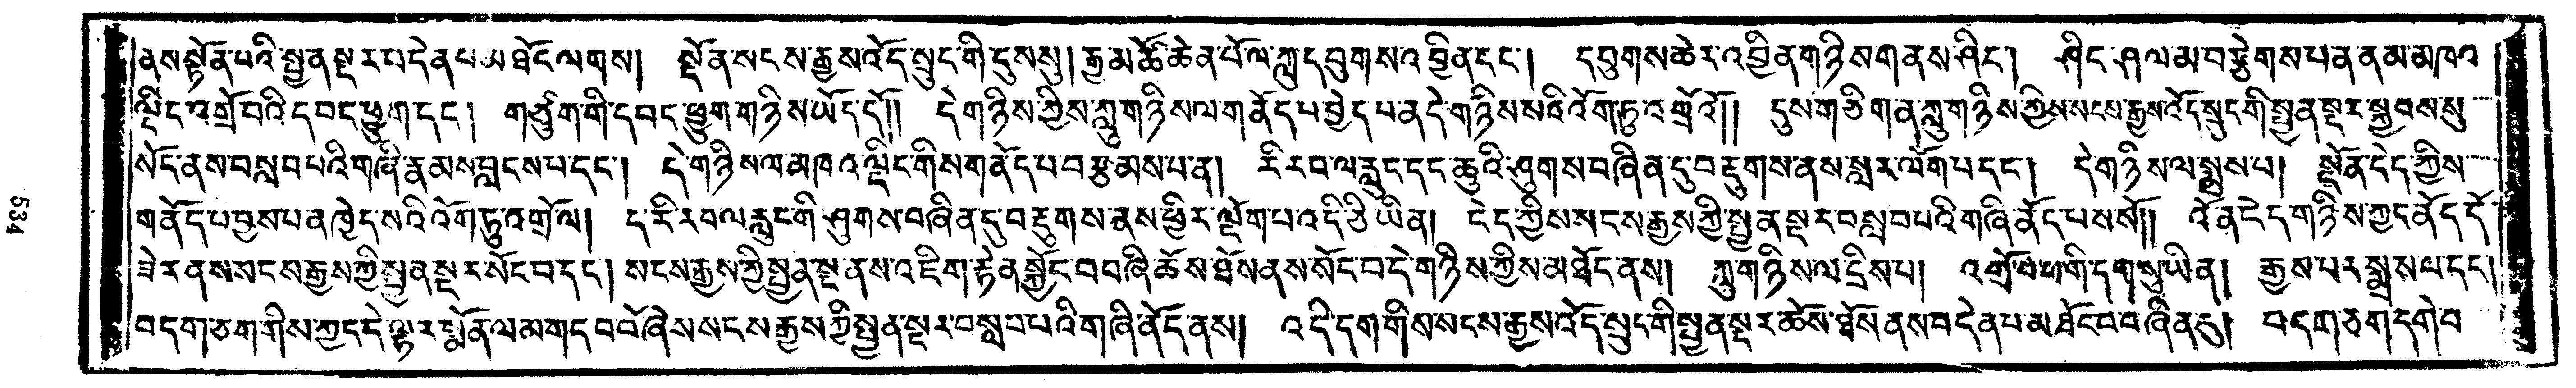ནས་སྟོན་པའི་སྤྱན་སྔར་བདེན་པ་མཐོང་ལགས། སྔོན་སངས་རྒྱས་འོད་སྲུང་གི་དུས་སུ། རྒྱ་མཚོ་ཆེན་པོ་ལ་ཀླུ་དབུགས་འབྱིན་དང་། དབུགས་ཆེར་འབྱིན་གཉིས་གནས་ཤིང་། ཤིང་ཤལ་མ་བརྩེགས་པན་ནམ་མཁའ་
ལྡིང་འགྲོ་བའི་དབང་ཕྱུག་དང་། གཙུག་གི་དབང་ཕྱུག་གཉིས་ཡོད་དོ།། དེ་གཉིས་ཀྱིས་ཀླུ་གཉིས་ལ་གནོད་པ་བྱེད་པ་ན་དེ་གཉིས་སའི་འོག་ཏུ་འགྲོའོ།། དུས་གཅིག་ན་ཀླུ་གཉིས་ཀྱིས་སངས་རྒྱས་འོད་སྲུང་གི་སྤྱན་སྔར་སྐྱབས་སུ་
སོང་ནས་བསླབ་པའི་གཞི་རྣམས་བླངས་པ་དང་། དེ་གཉིས་ལ་མཁའ་ལྡིང་གིས་གནོད་པ་བརྩམས་པ་ན། རི་རབ་ལ་རླུང་དང་ཆུའི་ཤུགས་བཞིན་དུ་བརྡུགས་ནས་སླར་ལོག་པ་དང་། དེ་གཉིས་ལ་སྨྲས་པ། སྔོན་ངེད་ཀྱིས་
གནོད་པ་བྱས་པ་ན་ཁྱེད་སའི་འོག་ཏུ་འགྲོ་ལ། ད་རི་རབ་ལ་རླུང་གི་ཤུགས་བཞིན་དུ་བརྡུགས་ནས་ཕྱིར་ལྡོག་པ་འདི་ཅི་ཡིན། ངེད་ཀྱིས་སངས་རྒྱས་ཀྱི་སྤྱན་སྔར་བསླབ་པའི་གཞི་ནོད་པས་སོ།། འོ་ན་ངེད་གཉིས་ཀྱང་ནོད་དོ་
ཟེར་ནས་སངས་རྒྱས་ཀྱི་སྤྱན་སྔར་སོང་བ་དང་། སངས་རྒྱས་ཀྱི་སྤྱན་སྔ་ནས་འཇིག་རྟེན་སྐྱོང་བ་བཞི་ཆོས་ཐོས་ནས་སོང་བ་དེ་གཉིས་ཀྱིས་མཐོང་ནས། ཀླུ་གཉིས་ལ་དྲིས་པ། འགྲོ་བ་ཕ་གི་དག་སུ་ཡིན། རྒྱས་པར་སྨྲས་པ་དང་།
བདག་ཅག་གིས་ཀྱང་དེ་ལྟར་སྨོན་ལམ་གདབ་བོ་ཞེས་སངས་རྒྱས་ཀྱི་སྤྱན་སྔར་བསླབ་པའི་གཞི་ནོད་ནས། འདི་དག་གིས་སངས་རྒྱས་འོད་སྲུང་གི་སྤྱན་སྔར་ཆོས་ཐོས་ནས་བདེན་པ་མཐོང་བ་བཞིན་དུ། བདག་ཅག་དགེ་བ་